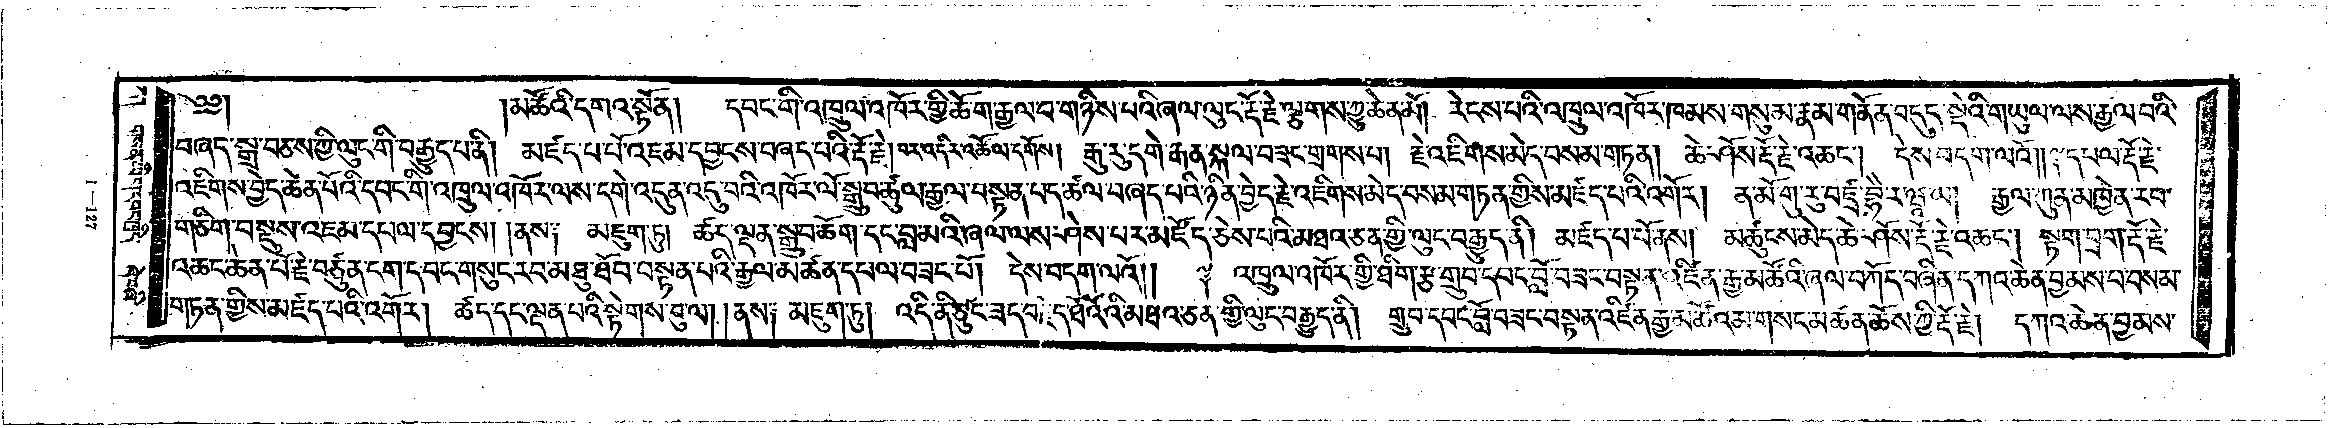༄༅། །མཚོའི་དགའ་སྟོན། དབང་གི་འཁྲུལ་འཁོར་གྱི་ཆོ་ག་རྒྱལ་བ་གཉིས་པའི་ཞལ་ལུང་རྡོ་རྗེ་ལྕགས་ཀྱུ་ཆེན་མོ། རེངས་པའི་འཁྲུལ་འཁོར་ཁམས་གསུམ་རྣམ་གནོན་བདུད་སྡེའི་གཡུལ་ལས་རྒྱལ་བའི་
བཞད་སྒྲ་བཅས་ཀྱི་ལུང་གི་བརྒྱུད་པ་ནི། མཛད་པ་པོ་འཇམ་དབྱངས་བཞད་པའི་རྡོ་རྗེ། བར་འདིར་འཚོལ་དགོས།  རྒུ་རུ་དགེ་རྒན་སྐལ་བཟང་གྲགས་པ། རྗེ་འཇིགས་མེད་བསམ་གཏན། ཆེ་ཤོས་རྡོ་རྗེ་འཆང་། དེས་བདག་ལའོ། ། ༈ དཔལ་རྡོ་རྗེ་
འཇིགས་བྱེད་ཆེན་པོའི་དབང་གི་འཁྲུལ་འཁོར་ལས་དགེ་འདུན་འདུ་བའི་འཁོར་ལོ་སྒྲུབ་ཚུལ་རྒྱལ་བསྟན་པད་ཚལ་བཞད་པའི་ཉིན་བྱེད་རྗེ་འཇིགས་མེད་བསམ་གཏན་གྱིས་མཛད་མའི་འགོར། ན་མོ་གུ་རུ་བཛྲ་བྷཻ་ར་ཝཱ་ཡ། རྒྱལ་ཀུན་མཁྱེན་རབ་
གཅིག་བསྡུས་འཇམ་དཔལ་དབྱངས། །ནས༑ མཇུག་ཏུ། ཚད་ལྡན་སྒྲུབ་ཆོག་དང་བླ་མའི་ཞལ་ལས་ཤེས་པར་མཛོད་ཅེས་པའི་མཐའ་ཅན་གྱི་ལུང་བརྒྱུད་ནི། མཛད་པ་པོ་ནས། མཚུངས་མེད་ཆེ་ཤོས་རྡོ་རྗེ་འཆང་། སྟག་བྲག་རྡོ་རྗེ་
འཆང་ཆེན་པོ་རྗེ་བཙུན་ངག་དབང་གསུང་རབ་མཐུ་ཐོབ་བསྟན་པའི་རྒྱལ་མཚན་དཔལ་བཟང་པོ། དེས་བདག་ལའོ།། ༈ འཁྲུལ་འཁོར་གྱི་ཐིག་རྩ་གྲུབ་དབང་བློ་བཟང་བསྟན་འཛིན་རྒྱ་མཚོའི་ཞལ་བཀོད་བཞིན་དཀའ་ཆེན་བྱམས་པ་བསམ་
གཏན་གྱིས་མཛད་པའི་འགོར། ཚད་དང་ལྡན་པའི་སྟེགས་བུ་ལ། །ནས༑ མཇུག་ཏུ། འདི་ནི་ཅུང་ཟད་བརྗོད་ཐོའོའི་མཐའ་ཅན་གྱི་ལུང་བརྒྱུད་ནི། གྲུབ་དབང་བློ་བཟང་བསྟན་འཛིན་རྒྱ་མཚོའམ་གསང་མཚན་ཆོས་ཀྱི་རྡོ་རྗེ། དཀའ་ཆེན་བྱམས་